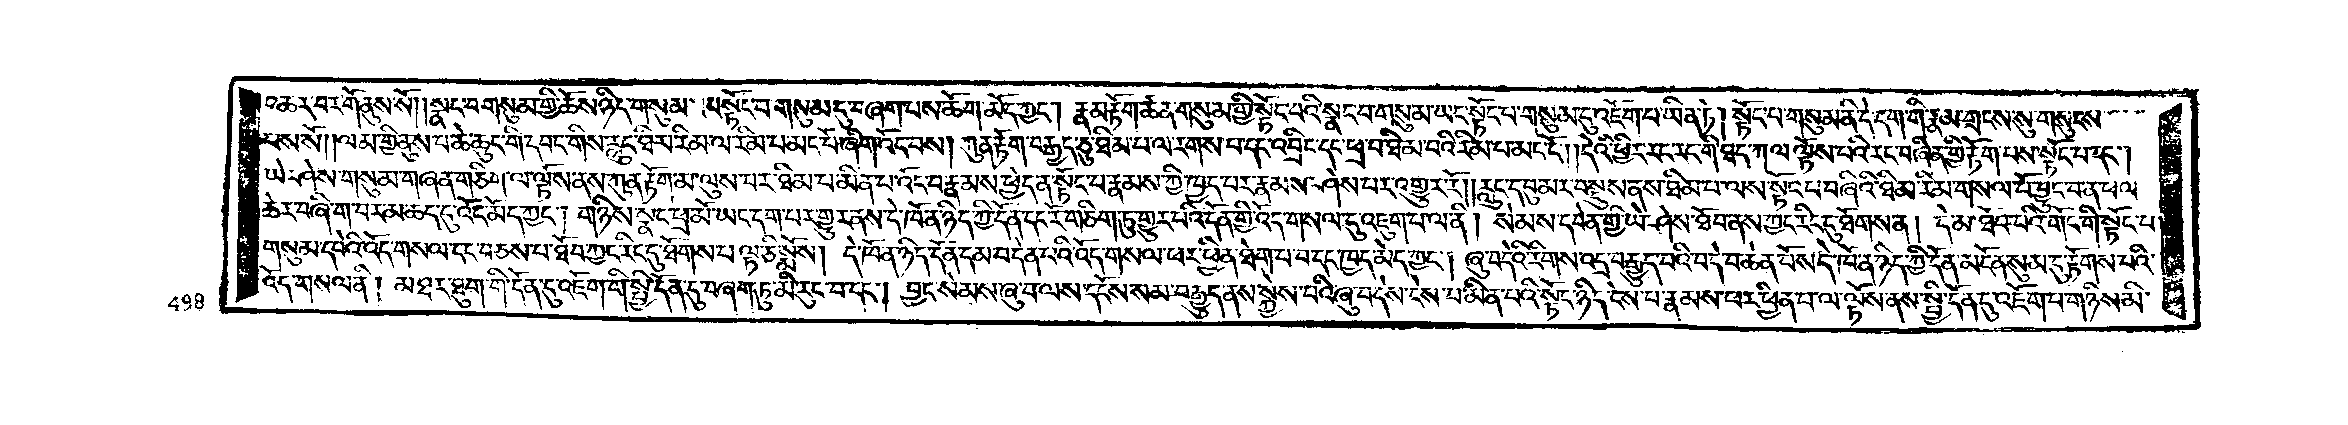འཆར་བར་གོ་ནུས་སོ། །སྣང་བ་གསུམ་གྱི་ཆོས་ཉིད་གསུམ་ཡང་སྟོང་པ་གསུམ་དུ་བཞག་པས་ཆོག་མོད་ཀྱང་། རྣམ་རྟོག་ཚན་གསུམ་གྱི་སྟོང་པའི་སྣང་བ་གསུམ་ཡང་སྟོང་པ་གསུམ་དུ་འཇོག་པ་ཡིན་ཏེ། སྟོང་པ་གསུམ་ནི་དེ་དག་གི་རྣམ་གྲངས་སུ་གསུངས་
པས་སོ། །ལམ་གྱི་ནུས་པ་ཆེ་ཆུང་གི་དབང་གིས་རླུང་ཐིམ་རིམ་ལ་རིམ་པ་མང་པོ་ཞིག་འོང་བས། ཀུན་རྟོག་བརྒྱད་ཅུ་ཐིམ་པ་ལ་རགས་པ་དང་འབྲིང་དང་ཕྲ་བ་ཐིམ་པའི་རིམ་པ་མང་ངོ། །དེའི་ཕྱིར་རང་རང་གི་ཐད་ཀ་ལ་ལྟོས་པའི་རང་བཞིན་གྱི་རྟོག་པས་སྟོང་པ་དང་།
ཡེ་ཤེས་གསུམ་གཞན་གཅིག་ལ་ལྟོས་ནས་ཀུན་རྟོག་མ་ལུས་པར་ཐིམ་པ་མིན་པ་འོང་བ་རྣམས་ཕྱེད་ན་སྟོང་པ་རྣམས་ཀྱི་ཁྱད་པར་རྣམས་ཤེས་པར་འགྱུར་རོ། །རླུང་དབུ་མར་བསྡུས་ནས་ཐིམ་པ་ལས་སྟོང་པ་བཞིའི་ཐིམ་རིམ་གསལ་པོ་བྱུང་བ་ན་ཕལ་
ཆེར་བཞི་ག་བར་མ་ཆད་དུ་འོང་མོད་ཀྱང་། གཉིས་སྣང་ཕྲ་མོ་ཡང་དག་པར་གྱུར་ནས་དེ་ཁོ་ན་ཉིད་ཀྱི་དོན་དང་རོ་གཅིག་ཏུ་གྱུར་པའི་དོན་གྱི་འོད་གསལ་དུ་འཇུག་པ་ལ་ནི། སེམས་དབེན་གྱི་ཡེ་ཤེས་ཐོབ་ནས་ཀྱང་རིང་དུ་ཐོགས་ན། དེ་མ་ཐོབ་པའི་གོང་གི་སྟོང་པ་
གསུམ་དཔེའི་འོད་གསལ་དང་བཅས་པ་ཐོབ་ཀྱང་རིང་དུ་ཐོགས་པ་ལྟ་ཅི་སྨོས། དེ་ཁོ་ན་ཉིད་དོན་དམ་བདེན་པའི་འོད་གསལ་ཕར་ཕྱིན་ཐེག་པ་བ་དང་ཁྱད་མེད་ཀྱང་། ཞུ་བདེའི་རིགས་འདྲ་བརྒྱུད་པའི་བདེ་བ་ཆེན་པོས་དེ་ཁོ་ན་ཉིད་ཀྱི་དོན་མངོན་སུམ་དུ་རྟོགས་པའི་
འོད་གསལ་ནི། མཐར་ཐུག་གི་དོན་དུ་འཇོག་གི་སྤྱི་དོན་དུ་བཞག་ཏུ་མི་རུང་བ་དང་། བྱང་སེམས་ཞུ་བ་ལས་དངོས་སམ་བརྒྱུད་ནས་སྐྱེས་པའི་ཞུ་བ་དེས་ངེས་པ་མིན་པའི་སྟོང་ཉིད་ངེས་པ་རྣམས་ཕར་ཕྱིན་པ་ལ་ལྟོས་ནས་སྤྱི་དོན་དུ་འཇོག་པ་གཉིས་མི་